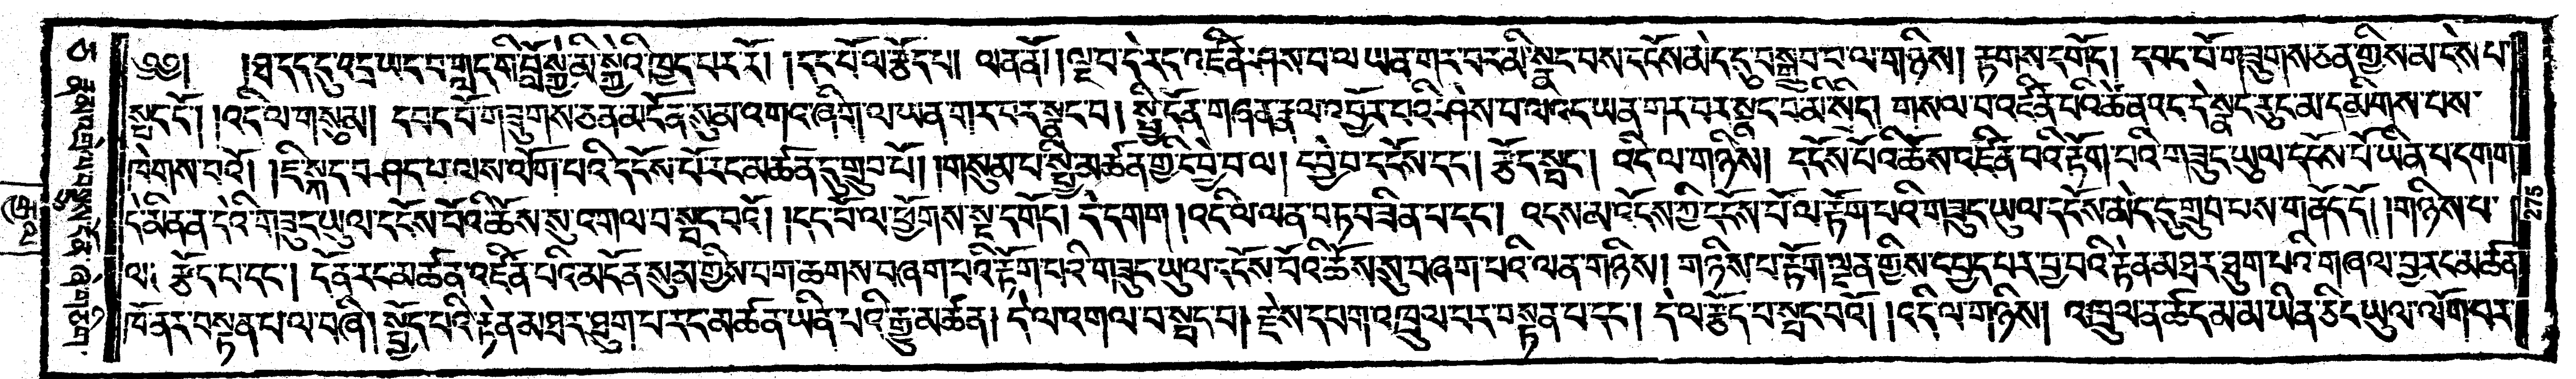༄༅། །ཐ་དད་དུ་འདྲ་ཡང་བ་གླང་གི་བློ་སྐྱེ་མི་སྐྱེའི་ཁྱད་པར་རོ། །དང་པོ་ལ་རྩོད་པ། ལན་ནོ། །ལྔ་པ་དེ་རང་འཛིན་ཤས་པ་ལ་ཡན་གར་བར་མི་སྣང་བས་དངོས་མེད་དུ་བསྒྲུབ་པ་ལ་གཉིས། རྟགས་དགོད། དབང་པོ་གཟུགས་ཅན་གྱིས་མ་ངེས་པ་
སྤང་ངོ། །འདི་ལ་གསུམ། དབང་པོ་གཟུགས་ཅན་མངོན་སུམ་འགའ་ཞིག་ལ་ཡན་གར་བར་སྣང་བ། སྤྱི་དོན་གཞན་རྣལ་འབྱོར་བའི་ཤེས་པ་ལའང་ཡན་གར་བར་སྣང་བ་མི་སྲིད། གསལ་བ་འཛིན་པའི་ཚེ་ནའང་དེ་སྣང་རུང་མ་དམིགས་པས་
ཁེགས་པའོ། །ཇི་སྐད་བཤད་པ་ལས་ལོག་པའི་དངོས་པོ་རང་མཚན་དུ་གྲུབ་པོ། །གསུམ་པ་སྤྱི་མཚན་གྱི་དབྱེ་བ་ལ། དབྱེ་བ་དངོས་དང་། རྩོད་སྤང་། འདི་ལ་གཉིས། དངོས་པོའི་ཆོས་འཛིན་པའི་རྟོག་པའི་གཟུང་ཡུལ་དངོས་པོ་ཡིན་པ་དགག་
དེ་མིན་ན་དེའི་གཟུང་ཡུལ་དངོས་པོའི་ཆོས་སུ་འགལ་བ་སྤང་བའོ། །དང་པོ་ལ་ཕྱོགས་སྔ་དགོད། དེ་དགག །འདི་ལ་ལན་བཏབ་ཟིན་པ་དང་། འདས་མ་འོངས་ཀྱི་དངོས་པོ་ལ་རྟོག་པའི་གཟུང་ཡུལ་དངོས་མེད་དུ་གྲུབ་པས་གནོད་དོ། །གཉིས་པ་
ལ། རྩོད་པ་དང་། དོན་རང་མཚན་འཛིན་པའི་མངོན་སུམ་གྱིས་བག་ཆགས་བཞག་པའི་རྟོག་པའི་གཟུང་ཡུལ་དངོས་པོའི་ཆོས་སུ་བཞག་པའི་ལན་གཉིས། གཉིས་པ་རྟོག་ལྡན་གྱིས་དཔྱད་པར་བྱ་བའི་རྟེན་མཐར་ཐུག་པའི་གཞལ་བྱ་རང་མཚན་
ཁོ་ནར་བསྟན་པ་ལ་བཞི། སྤྱོད་པའི་རྟེན་མཐར་ཐུག་པ་རང་མཚན་ཡིན་པའི་རྒྱུ་མཚན། དེ་ལ་འགལ་བ་སྤང་བ། རྗེས་དཔག་འཁྲུལ་བར་བསྟན་པ་དང་། དེ་ལ་རྩོད་པ་སྤང་བའོ། །འདི་ལ་གཉིས། འཁྲུལ་ན་ཚད་མ་མ་ཡིན་ཅིང་ཡུལ་ལོག་བར་